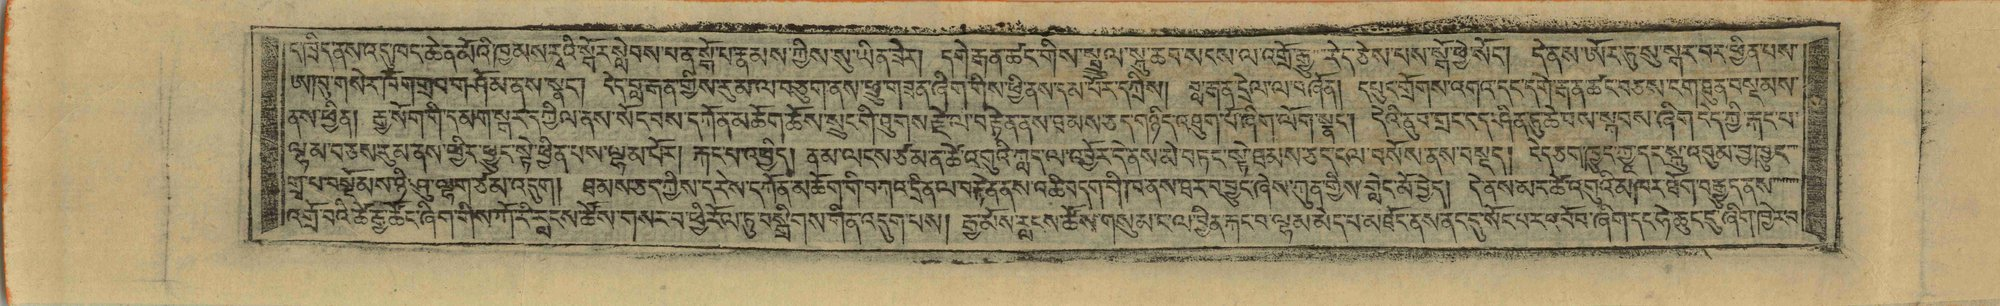ང་ཁྲིད་ནས་འདུ་ཁང་ཆེན་མོའི་ཁྱམས་རྭའི་སྒོར་སླེབས་པ་ན་སྒོ་པ་རྣམས་ཀྱིས་སུ་ཡིན་ཟེར། དགེ་རྒན་ཚང་གིས་སྤྲུལ་སྐུ་ཆབ་སངས་ལ་འགྲོ་རྒྱུ་རེད་ཅེས་པས་སྒོ་ཕྱེ་སོང་། དེ་ནས་ཨོར་ཏུ་སུ་སྐར་བར་ཕྱིན་པས་
ཨ་ཁུ་གསེར་ཁོག་གྲབ་གཤོམ་ནས་སྣང་། ངེད་བླ་རྒན་གྱིས་རུམ་ལ་བཅུག་ནས་ཕྲུ་གཟན་ཞིག་གིས་ཕྱི་ནས་དམ་པོར་དཀྲིས། བླ་རྒན་དྲེལ་ལ་བཞོན། དཔུང་གྲོགས་འགའ་དང་དགེ་རྒན་ཚང་བཅས་ངག་ཐུན་བསྡམས་
ནས་ཕྱིན། རྒྱ་སོག་གི་དམག་སྒར་དཀྱིལ་ནས་སོང་བས་དཀོན་མཆོག་ཆོས་སྲུང་གི་ཐུགས་རྗེ་ལ་བརྟེན་ནས་ཐམས་ཅད་གཉིད་འཐུག་པོ་ཞིག་ལོག་སྣང་། དེའི་ནུབ་གྲང་ངད་ཤིན་ཏུ་ཆེ་བས་སྐབས་ཞིག་ངེད་ཀྱི་རྐང་པ་
ལྷམ་བཅས་རུམ་ནས་ཕྱིར་ཕྱུང་སྟེ་ཕྱིན་པས་ལྷམ་པོར། རྐང་པ་འཕྱིད། ནམ་ལངས་ཙམ་ན་ཚེ་འགུའི་ཀླད་ལ་འབྱོར་དེ་ནས་མེ་བཏང་སྟེ་ཐམས་ཅད་ངལ་བསོས་ནས་བསྡད། ངེད་ཅག་ཁྱུད་ཀྱཱ་དང་སྐུ་འབུམ་བྱ་ཁྱུང་
གྲྭ་པ་བསྔོམས་ཉི་ཤུ་ལྷག་ཙམ་འདུག །ཐམས་ཅད་ཀྱིས་ད་རེས་དཀོན་མཆོག་གི་བཀའ་དྲིན་ལ་བརྟེན་ནས་འཆི་བདག་གི་ཁ་ནས་ཐར་བ་བྱུང་ཞེས་ཀུན་གྱིས་གླེང་མོ་བྱེད། དེ་ནས་མར་ཚེ་འགུའི་མཁར་ཐོག་བརྒྱུད་ནས་
འགྲོ་བའི་ཚེ་རྒྱ་ཚོང་ཞིག་གིས་ཀོ་རི་རླངས་ཚོས་གསར་བ་ཕྱི་རོལ་ཏུ་བསྒྲིགས་གིན་འདུག་པས། རྒྱ་མོས་རླངས་ཚོས་གསུམ་ང་ལ་བྱིན་རྐང་པ་ལྷམ་མེད་པ་མཐོང་ནས་ནང་དུ་སོང་པར་འབོབ་ཞིག་དང་ཧེ་ཆུང་ངུ་ཞིག་ཁྱེར་བ་